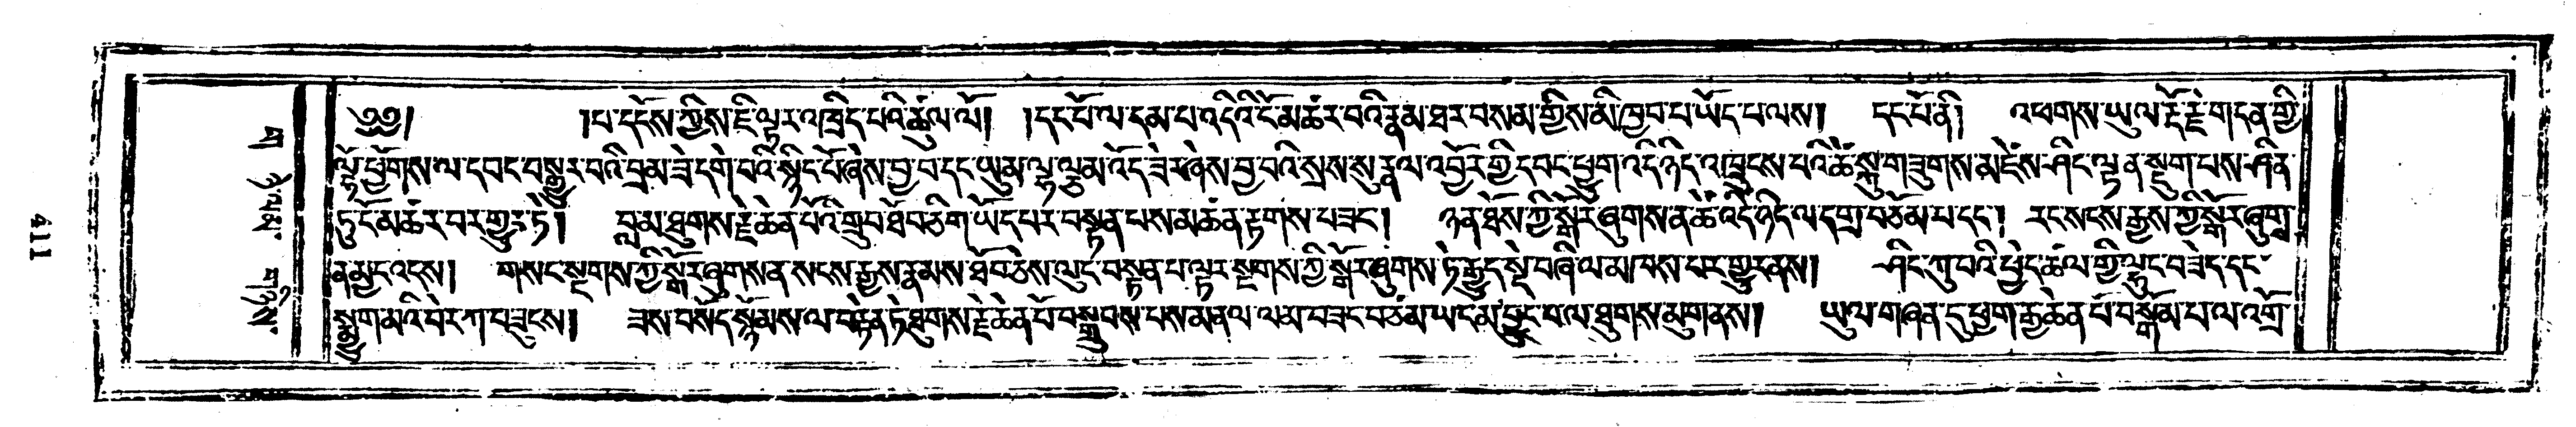༄༅། །པ་དངོས་ཀྱིས་ཇི་ལྟར་འཁྲིད་པའི་ཚུལ་ལོ། །དང་པོ་ལ་དམ་པ་འདིའི་ངོ་མཚར་བའི་རྣམ་ཐར་བསམ་གྱིས་མི་ཁྱབ་པ་ཡོད་པ་ལས། དང་པོ་ནི། འཕགས་ཡུལ་རྡོ་རྗེ་གདན་གྱི་
ལྷོ་ཕྱོགས་ལ་དབང་བསྒྱུར་བའི་བྲམ་ཟེ་དགེ་བའི་སྙིང་པོ་ཞེས་བྱ་བ་དང་ཡུམ་ལྷ་ལྕམ་འོད་ཟེར་ཞེས་བྱ་བའི་སྲས་སུ་རྣལ་འབྱོར་གྱི་དབང་ཕྱུག་འདི་ཉིད་འཁྲུངས་པའི་ཚེ་སྐུ་གཟུགས་མཛེས་ཤིང་ལྟན་སྡུག་པས་ཤིན་
ཏུ་ངོ་མཚར་བར་གྱུར་ཏེ། བླ་མ་ཐུགས་རྗེ་ཆེན་པོའི་གྲུབ་ཐོབ་ཅིག་ཡོད་པར་བསྟན་པས་མཚན་རྟགས་བཟང་། ཉན་ཐོས་ཀྱི་སྒོར་ཞུགས་ན་ཚེ་འདི་ཉིད་ལ་དགྲ་བཅོམ་པ་དང་། རང་སངས་རྒྱས་ཀྱི་སྒོར་ཞུགས་
ན་མྱང་འདས། གསང་སྔགས་ཀྱི་སྒོར་ཞུགས་ན་སངས་རྒྱས་རྣམས་ཐོབ་ཅེས་ལུང་བསྟན་པ་ལྟར་སྔགས་ཀྱི་སྒོར་ཞུགས་ཏེ་རྒྱུད་སྡེ་བཞི་ལ་མཁས་པར་གྱུར་ནས། ཤིང་ཀུ་བའི་ཕྱེད་ཚལ་གྱི་ལྷུང་བཟེད་དང་
སྨྱུག་མའི་བེར་ཀ་བཟུངས། ཟས་བསོད་སྙོམས་ལ་བརྟེན་ཏེ་ཐུགས་རྗེ་ཆེན་པོ་བསྒྲུབས་པས་མནལ་ལམ་བཟང་བ་ཙམ་ཡང་མ་བྱུང་བ་ལ་ཐུགས་མུག་ནས། ཡུལ་གཞན་དུ་ཕྱག་རྒྱ་ཆེན་པོ་བསྒོམ་པ་ལ་འགྲོ་